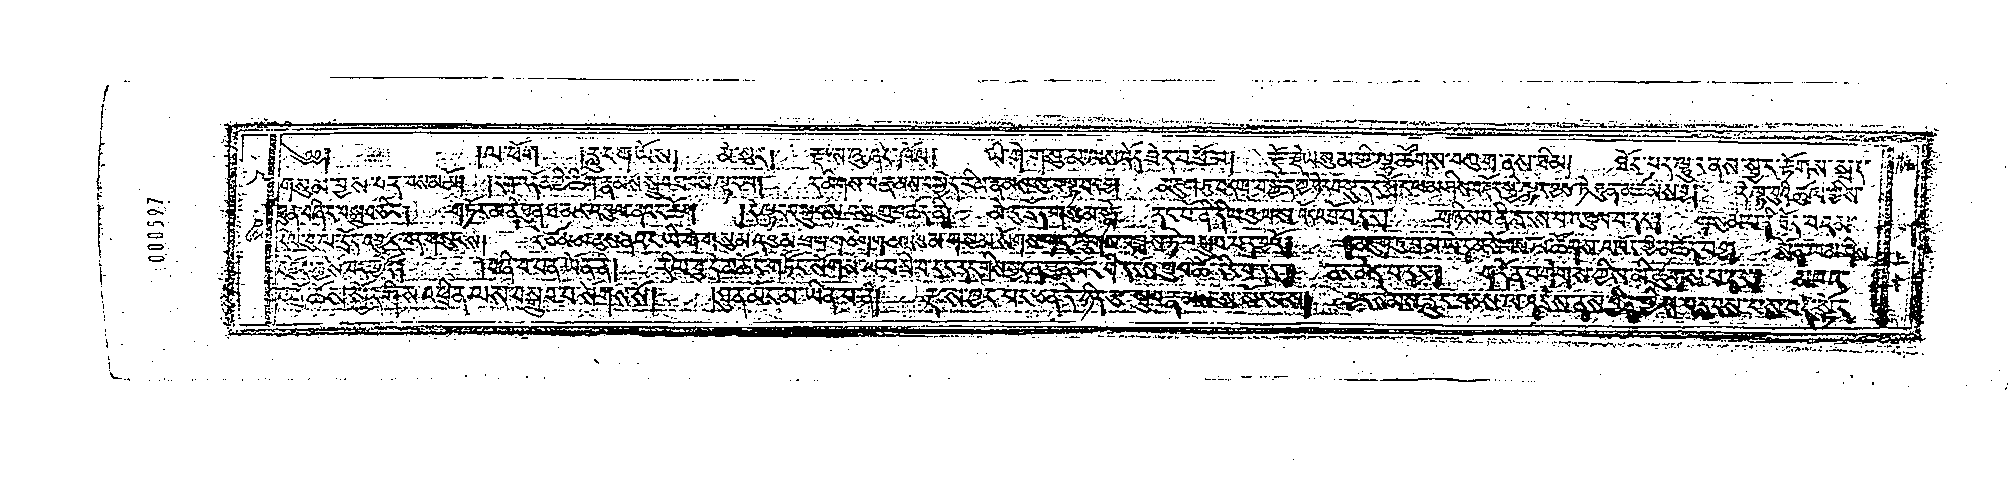༄༅། །ལ་ཕོག །རླུང་གཡོས། མེ་སྦར། རྫས་ཞུ་ཞིང་ཁོལ། ཡི་གེ་གསུམ་ལས་འོད་ཟེར་འཕྲོས། རྡོ་རྗེ་གསུམ་གྱི་ལྷ་ཚོགས་བཀུག་ནས་ཐིམ། ཐོད་པར་ལྷུང་ནས་སྦྱར་རྟོགས་སྦར་
གསུམ་བྱས་པར་བསམ་མོ། །དག་འདོན་གྱི་ཚིག་རྣམས་སྒྲུབ་ཐབས་ལྟར་ལ། དམིགས་པ་རྣམས་བསྐྱེད་རིམ་རྣམས་སུ་བལྟ་བར་བྱ། མཇུག་ཏུ་བདག་བསྐྱེད་ཀྱི་ཉེར་བསྡུ་དང་སྨོན་ལམ་ཤིས་བརྗོད་སྤྱི་ལྟར་བྱས་ཏེ་ཐུན་མཚམས་བྱ། དེ་ལྟ་བུའི་ཚུལ་གྱིས་
ཐུན་བཞིར་བསྒྲུབ་ཅིང་། གཏོར་མ་ནི་ཐུན་ཐ་མར་འབུལ་ནའང་ཆོག །དེ་ལྟར་བསྒྲུབས་པས་གྲུབ་ཚད་ནི། མེ་རུ་དྲོད་གསུམ་སྟེ། དང་བོ་ནི་རིལ་བུ་ལས་འོང་འབྲོ་བ་དང་། གཉིས་པ་ནི་རླངས་པ་འཐུལ་བ་དང་། གསུམ་པ་ནི་ཐོད་པའམ་
རིལ་བུ་ལ་དྲོད་འབྱུང་བར་གསུངས། དེ་ཙམ་མ་ནུས་ནའང་ཡི་གེ་གསུམ་འབུམ་ཕྲག་གཅིག་གམ་འབུམ་གསུམ་སོགས་གང་ལྕོགས་བཟླས་ཏེ་བསྒྲུབ་པར་བྱའོ། །མཇུག་ཏུ་བླ་མ་ཡི་དམ་སོགས་ལ་ཚོགས་འཁོར་གྱི་མཆོད་པ་བྱ། སྨོན་ལམ་ཤིས་
བརྗོད་རྒྱས་བར་བྱའོ། །བཞི་བ་ཕན་ཡོན་ནི། རིལ་བུ་དེ་མཆོད་གཏོར་སོགས་ལ་བསྲེ་བ་དང་རང་གིས་སྦྱར་ན་ཐུན་མོང་གི་དངོས་གྲུབ་ཚེ་རིང་བ་དང་། ནང་མེད་པ་དང་། གདོན་བགེགས་ཀྱིས་མི་ཚུགས་པ་དང་། མཁའ་
འགྲོ་ཆོས་སྐྱོང་གིས་འཕྲིན་ལས་བསྒྲུབ་པ་སོགས་སོ། །ཐུན་མོང་མ་ཡིན་བ་ནི། རྫས་ཁྱད་པར་ཅན་དེ་ཉིད་རྩ་སྒྲུབ་རྣམས་སུ་སོང་བས། བྱང་སེམས་རླུང་བཅས་ལ་འདྲེས་ནས་བྱིན་གྱིས་བརླབས་པས་བདེ་སྟོང་